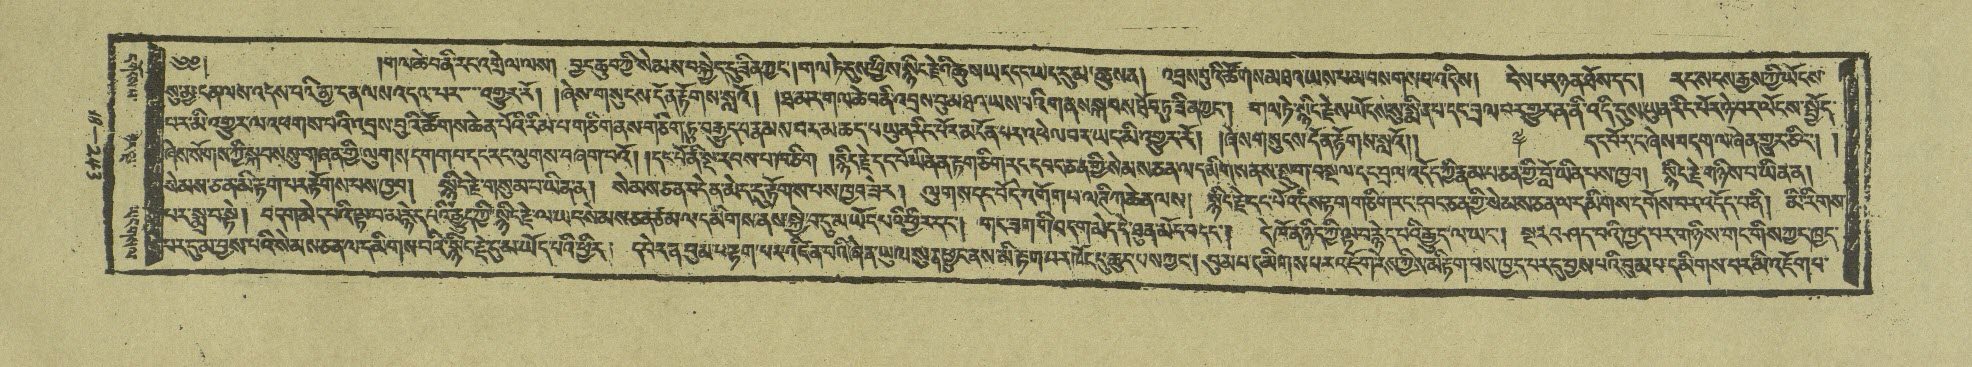༄༅། །གལ་ཆེ་བ་ནི་རང་འགྲེལ་ལས། བྱང་ཆུབ་ཀྱི་སེམས་བསྐྱེད་དུ་ཟིན་ཀྱང་། གལ་ཏེ་དུས་ཕྱིས་སྙིང་རྗེའི་ཆུས་ཡང་དང་ཡང་དུ་མ་བཅུས་ན། འབྲས་བུའི་ཚོགས་མཐའ་ཡས་པ་མ་བསགས་པ་འདིས། ངེས་པར་ཉན་ཐོས་དང་། རང་སངས་རྒྱས་ཀྱི་ཡོངས་
སུ་མྱ་ངན་ལས་འདས་པའི་མྱ་ངན་ལས་འདའ་པར་འགྱུར་རོ། །ཞེས་གསུངས་དོན་རྟོགས་སླའོ། །ཐ་མར་གལ་ཆེ་བ་ནི་འབྲས་བུ་མཐའ་ཡས་པའི་གནས་སྐབས་ཐོབ་ཏུ་ཟིན་ཀྱང་། གལ་ཏེ་སྙིང་རྗེས་ཡོངས་སུ་སྨིན་པ་དང་བྲལ་བར་གྱུར་ན་ནི་འདི་དུས་ཡུན་རིང་པོར་ཉེ་བར་ལོངས་སྤྱོད་
པར་མི་འགྱུར་ལ་འཕགས་པའི་འབྲས་བུའི་ཚོགས་ཆེན་པོའི་རིམ་པ་གཅིག་ནས་གཅིག་ཏུ་བརྒྱུད་པ་རྣམས་པར་མ་ཆད་པ་ཡུན་རིང་པོར་མངོན་པར་འཕེལ་བར་ཡང་མི་འགྱུར་རོ། །ཞེས་གསུངས་དོན་རྟོགས་སླའོ། ། ༈ དང་པོར་ང་ཞེས་བདག་ལ་ཞེན་གྱུར་ཅིང་། །
ཞེས་སོགས་ཀྱི་སྐབས་སུ་གཞན་གྱི་ལུགས་དགག་པ་དང་རང་ལུགས་བཞག་པའོ། །དང་པོ་ནི་སྔ་རབས་པ་ཁ་ཅིག །སྙིང་རྗེ་དང་པོ་ཡིན་ན་རྟག་ཅིག་རང་དབང་ཅན་གྱི་སེམས་ཅན་ལ་དམིགས་ནས་སྡུག་བསྔལ་དང་བྲལ་འདོད་ཀྱི་རྣམ་པ་ཅན་གྱི་བློ་ཡིན་པས་ཁྱབ། སྙིང་རྗེ་གཉིས་པ་ཡིན་ན།
སེམས་ཅན་མི་རྟག་པར་རྟོགས་པས་ཁྱབ། སྙིང་རྗེ་གསུམ་པ་ཡིན་ན། སེམས་ཅན་བདེན་མེད་དུ་རྟོགས་པས་ཁྱབ་ཟེར། ལུགས་དང་པོ་དེ་འགོག་པ་ལ་ཊིཀ་ཆེན་ལས། སྙིང་རྗེ་དང་པོ་འདིས་རྟག་གཅིག་རང་དབང་ཅན་གྱི་སེམས་ཅན་ལ་དམིགས་དགོས་པར་འདོད་པ་ནི། མི་རིགས་
པར་སྨྲ་བ་སྟེ། བདག་མེད་པའི་ལྟ་བ་མ་རྙེད་པའི་རྒྱུད་ཀྱི་སྙིང་རྗེ་ལ་ཡང་སེམས་ཅན་ཙམ་ལ་དམིགས་ནས་སྐྱེ་བ་དུ་མ་ཡོད་པའི་ཕྱིར་དང་། གང་ཟག་གི་བདག་མེད་དེ་ཐུན་མོང་བ་དང་། དེ་ཁོ་ན་ཉིད་ཀྱི་ལྟ་བ་རྙེད་པའི་རྒྱུད་ལ་ཡང་། སྔར་བཤད་པའི་ཁྱད་པར་གཉིས་གང་གིས་ཀྱང་ཁྱད་
པར་དུ་མ་བྱས་པའི་སེམས་ཅན་ལ་དམིགས་པའི་སྙིང་རྗེ་དུ་མ་ཡོད་པའི་ཕྱིར། དཔེར་ན་བུམ་པ་རྟག་པར་འཛིན་པའི་ཞེན་ཡུལ་སུན་ཕྱུང་ནས་མི་རྟག་པར་ཁོང་དུ་ཆུང་བས་ཀྱང་། བུམ་པ་དམིགས་པར་འཇོག་རེས་ཀྱིས་མི་རྟག་པས་ཁྱད་པར་དུ་བྱས་པའི་བུམ་པ་དམིགས་པར་མི་འཇོག་པ་